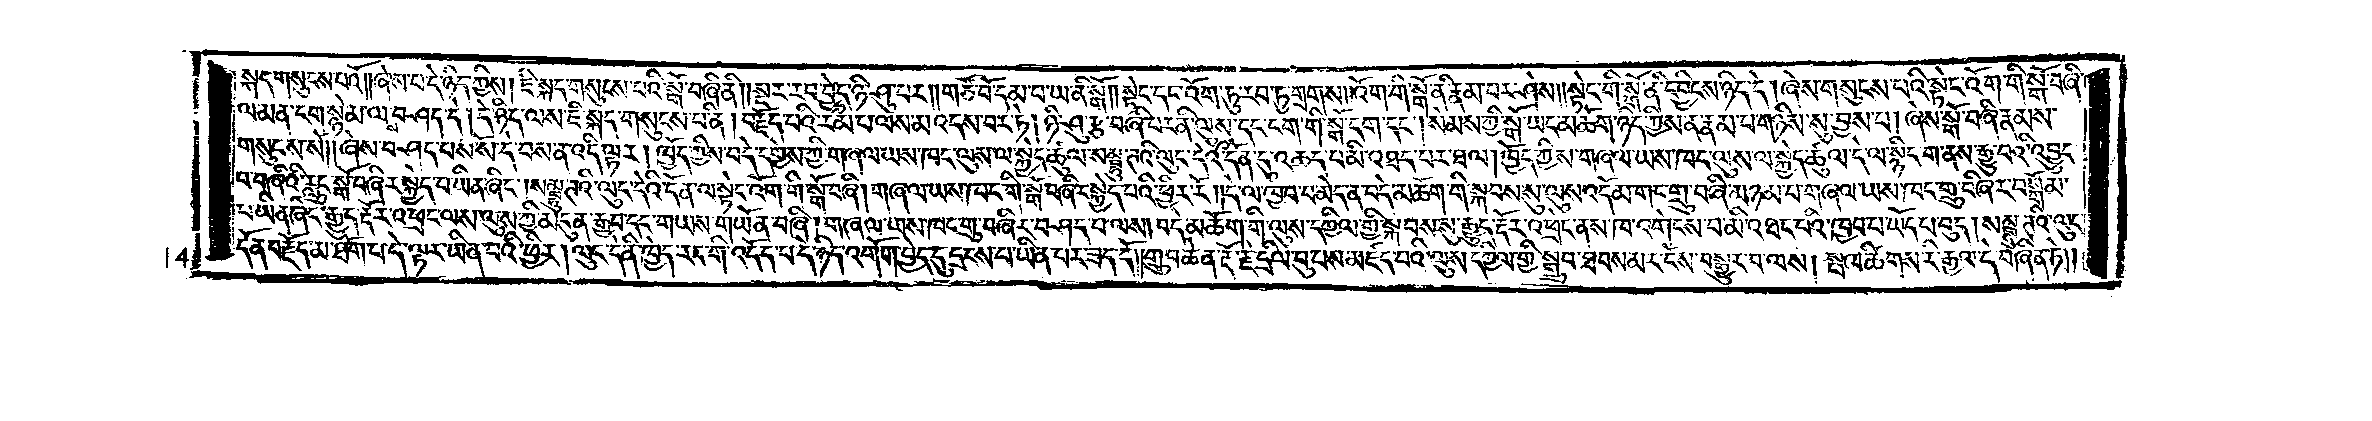སྐད་གསུངས་པའོ། །ཞེས་པ་དེ་ཉིད་ཀྱིས། ཇི་སྐད་གསུངས་པའི་སྒོ་བཞི་ནི། །སྔར་རབ་བྱེད་ཉི་ཤུ་པར། །གཙོ་བོ་དམ་པ་ཡ་ནི་སྒོ། །སྟེང་དང་འོག་ཏུ་རབ་ཏུ་གྲགས། །འོག་གི་སྒོ་ནི་རྣམ་པར་ཤེས། །སྟེང་གི་སྒོ་ནི་དབྱིངས་ཉིད་དེ། ཞེས་གསུངས་པའི་སྟེང་འོག་གི་སྒོ་བཞི་
ལ་མན་ངག་སྙེམ་ལས་བཤད་དེ། དེ་ཉིད་ལས་ཇི་སྐད་གསུངས་པ་ནི། བརྗོད་པའི་རིམ་པ་ལས་མ་འདས་པར་ཏེ། ཉི་ཤུ་རྩ་བཞི་པར་ནི་ལུས་དང་ངག་གི་སྒོ་དག་དང་། སེམས་ཀྱི་སྒོ་ཡང་མཆོག་ཉིད་ཀྱིས་ནི་རྣམ་པ་གཉིས་སུ་བྱས་པ། ཞེས་སྒོ་བཞི་རྣམས་
གསུངས་སོ། །ཞེས་བཤད་པས་སོ་དེ་བས་ན་འདི་ལྟར། ཁྱོད་ཀྱིས་བདེ་དགྱེས་ཀྱི་གཞལ་ཡས་ཁང་ལུས་ལ་སྐྱེད་ཚུལ་སམྦྷུ་ཊའི་ལུང་དེའི་དོན་དུ་འཆད་པ་མི་འཐད་པར་ཐལ། ཁྱོད་ཀྱིས་གཞལ་ཡས་ཁང་ལུས་ལ་སྐྱེད་ཚུལ་དེ་ལ་སྙིང་ག་ནས་རྒྱུ་བའི་འབྱུང་
བ་བཞིའི་རླུང་སྒོ་བཞིར་སྐྱེད་པ་ཡིན་ཞིང་། སམྦྷུ་ཊའི་ལུང་དེའི་དོན་ལ་སྟེང་འོག་གི་སྒོ་བཞི། གཞལ་ཡས་ཁང་གི་སྒོ་བཞིར་སྐྱེད་པའི་ཕྱིར་རོ། །དེ་ལ་ཁྱབ་པ་མེད་ན་བདེ་མཆོག་གི་སྐབས་སུ་ལུས་འདོམ་གང་གྲུ་བཞི་མཉམ་པ་གཞལ་ཡས་ཁང་གྲུ་བཞིར་བསྒོམ་
པ་ཡིན་ཞིང་རྒྱུད་རྡོར་འཕྲེང་ལས་ལུས་ཀྱི་མདུན་རྒྱབ་དང་གཡས་གཡོན་བཞི། གཞལ་ཡས་ཁང་གྲུ་བཞིར་བཤད་པ་ལས། བདེ་མཆོག་གི་ལུས་དཀྱིལ་གྱི་སྐབས་སུ་རྒྱུད་རྡོར་འཕྲེང་ནས་ཁ་འགེངས་པ་མི་འཐད་པའི་ཁྱབ་པ་ཡོད་པ་བུད། སམྦྷུ་ཊའི་ལུང་
དོན་བརྗོད་མ་ཐོག་པ་དེ་ལྟར་ཡིན་པའི་ཕྱིར། ལུང་དེ་ནི་ཁྱེད་རང་གི་འདོད་པ་དེ་ཉིད་འགོག་བྱེད་དུ་དྲངས་པ་ཡིན་པར་ཟད་དོ། །གྲུབ་ཆེན་རྡོ་རྗེ་དྲིལ་བུ་པས་མཛད་པའི་ལུས་དཀྱིལ་གྱི་སྒྲུབ་ཐབས་མར་ངོས་བསྒྱུར་བ་ལས། སྦལ་ཚིགས་རི་རྒྱལ་དེ་བཞིན་ཏེ། །